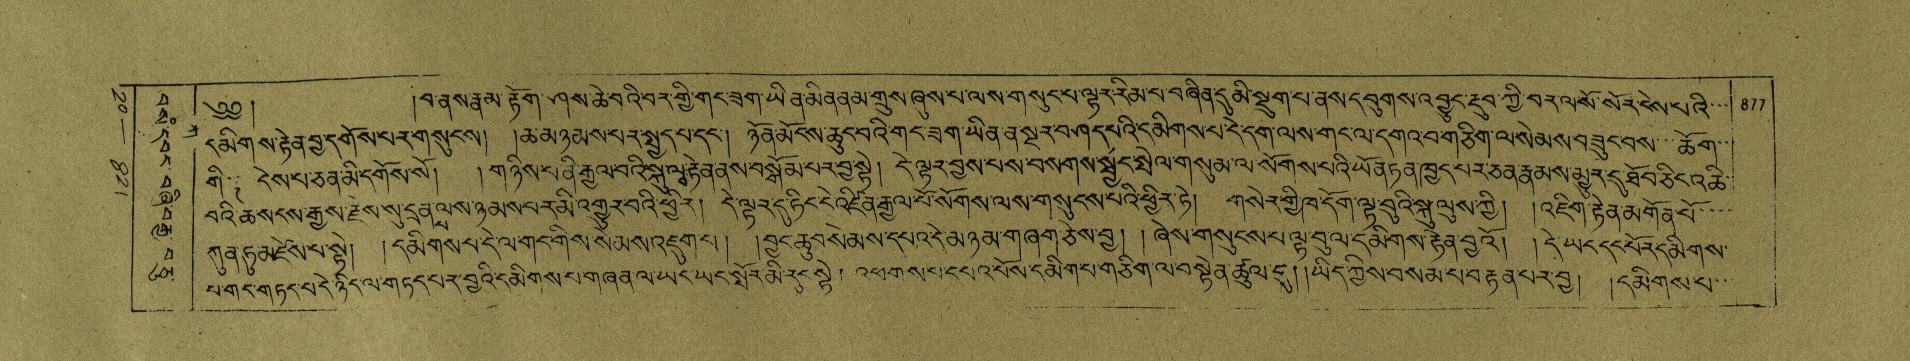༄༅། །བས་ནས་རྣམ་རྟོག་ཤས་ཆེ་བའི་བར་གྱི་གང་ཟག་ཡིན་མིན་ནམ་གྲུས་ཞུས་པ་ལས་གསུངས་པ་ལྟར་རིམ་པ་བཞིན་དུ་མི་སྡུག་པ་ནས་དབུགས་འབྱུང་རྡུབ་ཀྱི་བར་ལ་སོ་སོར་ངེས་པའི་
དམིགས་རྟེན་བྱ་དགོས་པར་གསུངས། །ཆ་མཉམས་པར་སྤྱད་པ་དང་། ཉོན་མོངས་ཆུང་བའི་གང་ཟག་ཡིན་ན་སྔར་བཤད་པའི་དམིགས་པ་དེ་དག་ལས་གང་ལ་དགའ་བ་གཅིག་ལ་སེམས་བཟུང་བས་ཆོག་
གི༑ ངེས་པ་ཅན་མི་དགོས་སོ། །གཉིས་པ་ནི་རྒྱལ་བའི་སྐུ་ལས་བརྟེན་ནས་བསྒོམ་པར་བྱ་སྟེ། དེ་ལྟར་བྱས་པས་བསགས་སྦྱང་སྤེལ་གསུམ་ལ་སོགས་པའི་ཡོན་ཏན་ཁྱད་པར་ཅན་རྣམས་མྱུར་དུ་ཐོབ་ཅིང་འཆི་
བའི་ཆ་སངས་རྒྱས་རྗེས་སུ་དྲན་པ་ལས་ཉམས་པར་མི་འགྱུར་བའི་ཕྱིར། དེ་ལྟར་དུ་ཏིང་ངེ་འཛིན་རྒྱལ་པོ་སོགས་ལས་གསུངས་པའི་ཕྱིར་ཏེ། གསེར་གྱི་ཁ་དོག་ལྟ་བུའི་སྐུ་ལུས་ཀྱི། །འཇིག་རྟེན་མགོན་པོ་
ཀུན་ཏུ་མཛེས་པ་སྟེ། །དམིགས་པ་དེ་ལ་གང་གིས་སེམས་འཇུག་ལ། །བྱང་ཆུབ་སེམས་དཔའ་དེ་མཉམ་གཞག་ཅེས་བྱ། །ཞེས་གསུངས་པ་ལྟ་བུ་ལ་དམིགས་རྟེན་བྱའོ། །དེ་ཡང་དང་པོར་དམིགས་
པ་གང་གཏད་པ་དེ་ཉིད་ལ་གཏད་པར་བྱའི་དམིགས་པ་གཞན་ལ་ཡང་ཡང་སྤོར་མི་རུང་སྟེ། འཕགས་པ་དཔའ་པོས་དམིགས་པ་གཅིག་ལ་བསྟེན་ཚུལ་དུ། །ཡིད་ཀྱིས་བསམ་པ་བརྟེན་པར་བྱ། །དམིགས་པ་